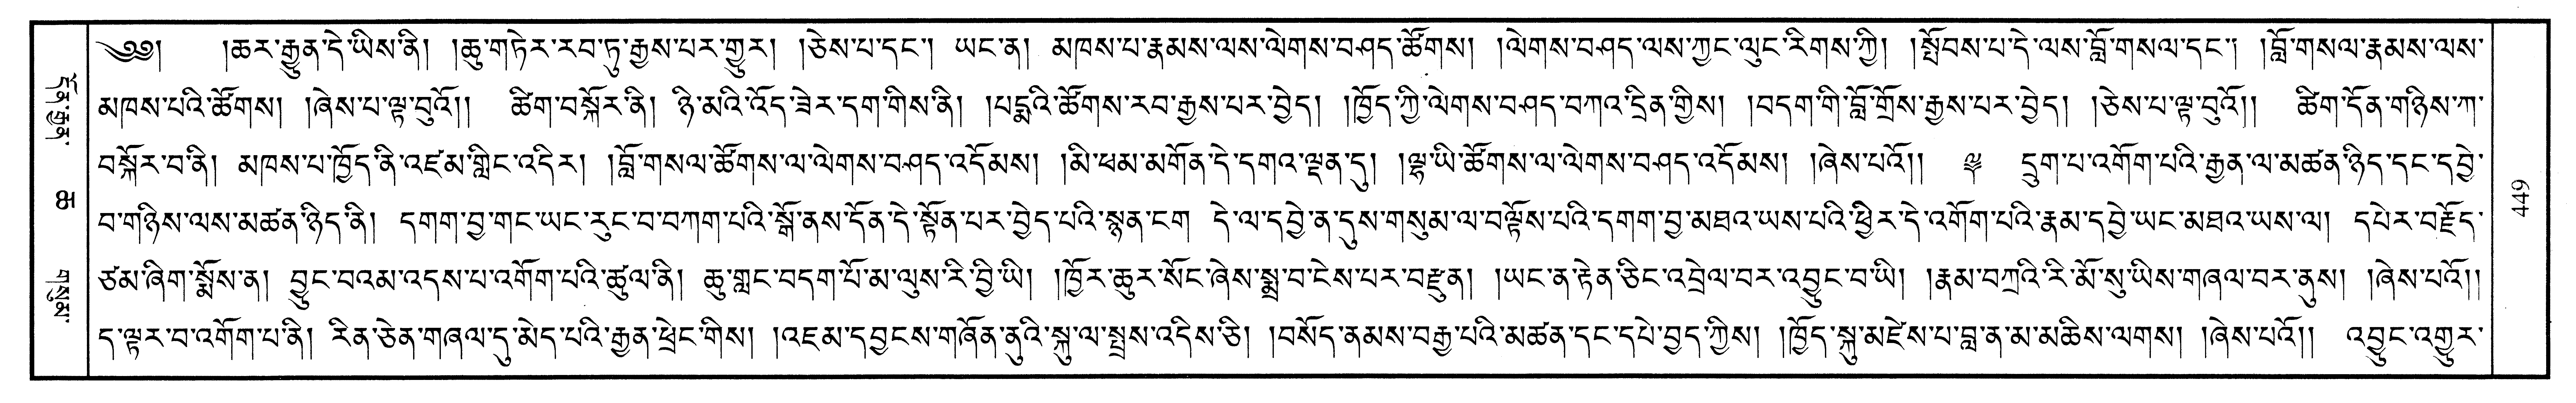༄༅། །ཆར་རྒྱུན་དེ་ཡིས་ནི། །ཆུ་གཏེར་རབ་ཏུ་རྒྱས་པར་གྱུར། །ཅེས་པ་དང་། ཡང་ན། མཁས་པ་རྣམས་ལས་ལེགས་བཤད་ཚོགས། །ལེགས་བཤད་ལས་ཀྱང་ལུང་རིགས་ཀྱི། །སྤོབས་པ་དེ་ལས་བློ་གསལ་དང་། །བློ་གསལ་རྣམས་ལས་
མཁས་པའི་ཚོགས། །ཞེས་པ་ལྟ་བུའོ།། ཚིག་བསྐོར་ནི། ཉི་མའི་འོད་ཟེར་དག་གིས་ནི། །པདམའི་ཚོགས་རབ་རྒྱས་པར་བྱེད། །ཁྱོད་ཀྱི་ལེགས་བཤད་བཀའ་དྲིན་གྱིས། །བདག་གི་བློ་གྲོས་རྒྱས་པར་བྱེད། །ཅེས་པ་ལྟ་བུའོ།། ཚིག་དོན་གཉིས་ཀ་
བསྐོར་བ་ནི། མཁས་པ་ཁྱོད་ནི་འཛམ་གླིང་འདིར། །བློ་གསལ་ཚོགས་ལ་ལེགས་བཤད་འདོམས། །མི་ཕམ་མགོན་དེ་དགའ་ལྡན་དུ། །ལྷ་ཡི་ཚོགས་ལ་ལེགས་བཤད་འདོམས། །ཞེས་པའོ།། ༈ དྲུག་པ་འགོག་པའི་རྒྱན་ལ་མཚན་ཉིད་དང་དབྱེ་
བ་གཉིས་ལས་མཚན་ཉིད་ནི། དགག་བྱ་གང་ཡང་རུང་བ་བཀག་པའི་སྒོ་ནས་དོན་དེ་སྟོན་པར་བྱེད་པའི་སྙན་ངག་དེ་ལ་དབྱེ་ན་དུས་གསུམ་ལ་བལྟོས་པའི་དགག་བྱ་མཐའ་ཡས་པའི་ཕྱིར་དེ་འགོག་པའི་རྣམ་དབྱེ་ཡང་མཐའ་ཡས་ལ། དཔེར་བརྗོད་
ཙམ་ཞིག་སྨོས་ན། བྱུང་བའམ་འདས་པ་འགོག་པའི་ཚུལ་ནི། ཆུ་གླང་བདག་པོ་མ་ལུས་རི་བྱི་ཡི། །ཁྱོར་ཆུར་སོང་ཞེས་སྨྲ་བ་ངེས་པར་བརྫུན། །ཡང་ན་རྟེན་ཅིང་འབྲེལ་བར་འབྱུང་བ་ཡི། །རྣམ་བཀྲའི་རི་མོ་སུ་ཡིས་གཞལ་བར་ནུས། །ཞེས་པའོ།།
ད་ལྟར་བ་འགོག་པ་ནི། རིན་ཅེན་གཞལ་དུ་མེད་པའི་རྒྱན་ཕྲེང་གིས། །འཇམ་དབྱངས་གཞོན་ནུའི་སྐུ་ལ་སྤྲས་འདིས་ཅི། །བསོད་ནམས་བརྒྱ་པའི་མཚན་དང་དཔེ་བྱད་ཀྱིས། །ཁྱོད་སྐུ་མཛེས་པ་བླ་ན་མ་མཆིས་ལགས། །ཞེས་པའོ།། འབྱུང་འགྱུར་